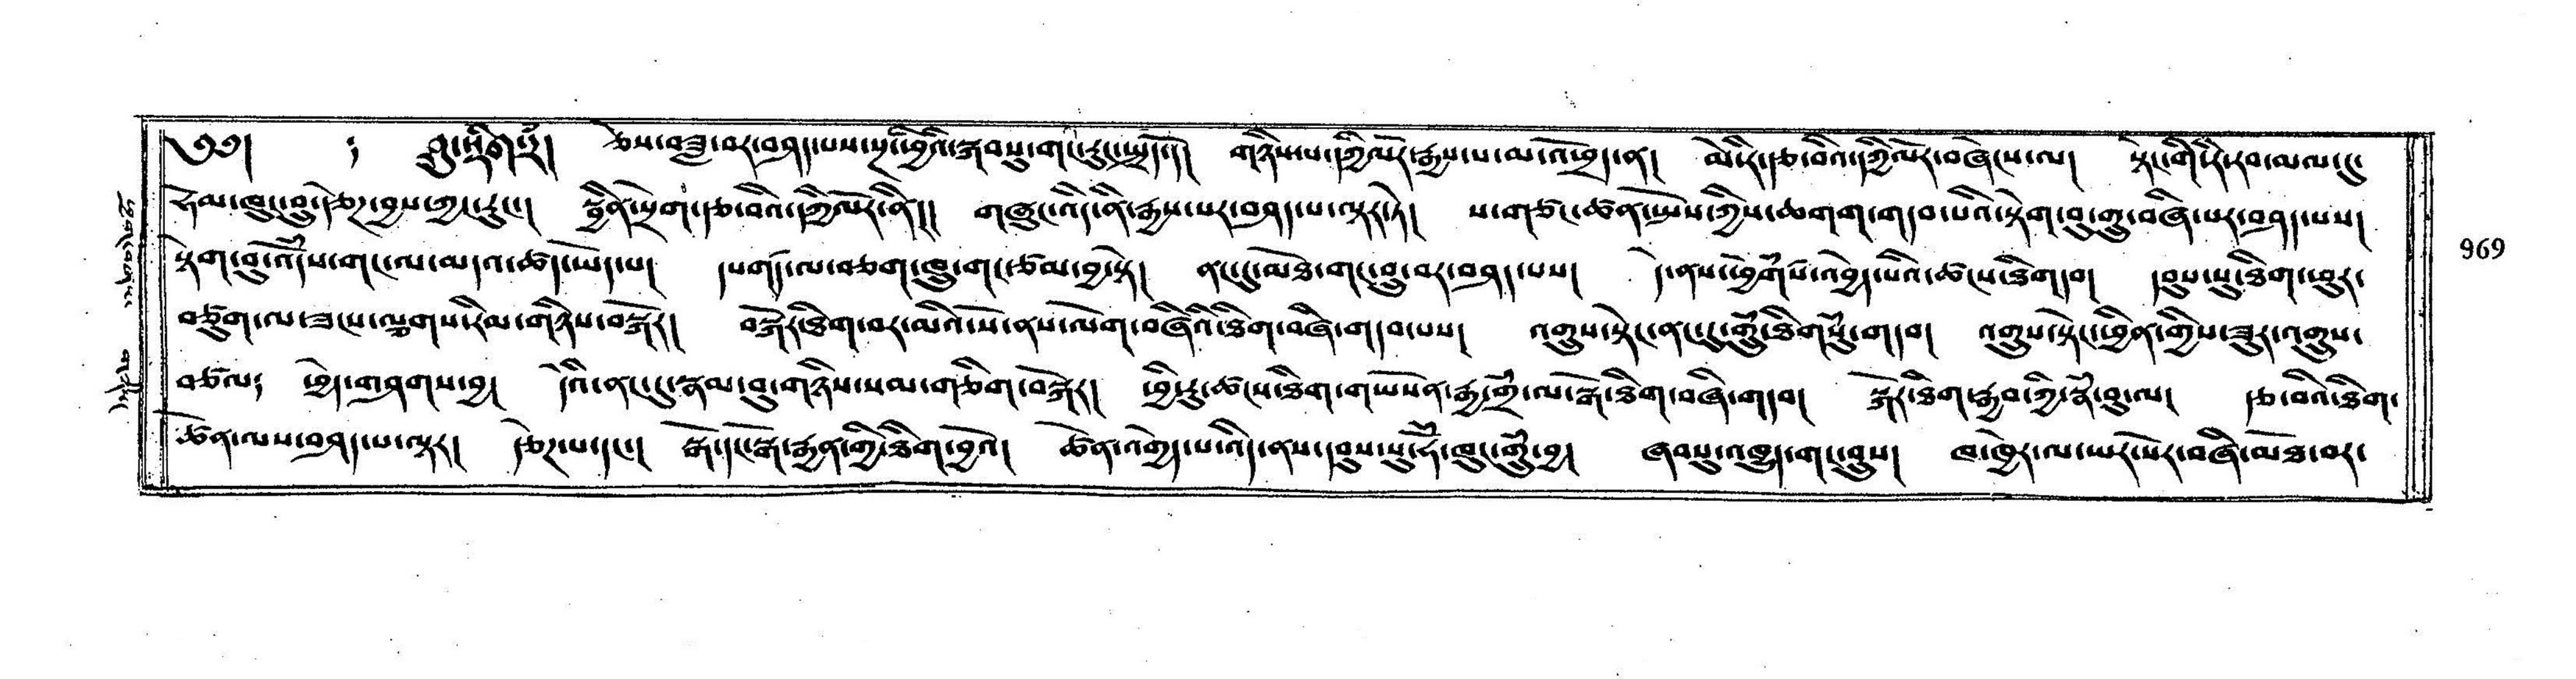ཤུ་སྡིག་༼ནིག༽རཾ། ཅེས་བཟླ་བར་བཤད་པས་སྔ་ཕྱིའི་སྐབས་སུ་གང་རུང་སྤྲད་དོ། གཉིས་པ་དཀྱིལ་འཁོར་རྒྱས་པ་མ་འཕྲོད་ན། མེ་རི་རྩ་བའི་དཀྱིལ་འཁོར་བཞེངས་ལ། སྟེང་གི་རི་རབ་མལ་དུ་
ཧོམ་ཁུང་བྲུ་རྩེགས་བྱས་ཀྱང་རུང་། སྦྱིན་སྲེག་རྩ་བའི་དཀྱིལ་འཁོར་ནི།། གཞུང་འདི་ནི་རྒྱས་པར་བཤད་པ་ལྟར་ཏེ། ས་གཙང་ཚན་སྤོས་ཀྱིས་ཆག་ཆག་གདབ་པའི་སྟེག་བུ་གྲུ་བཞི་པར་བཤད་པས། 
སྟེག་བུ་འདོམས་གང་ལ་མདའ་ཚད་ཡོད་པ། དཔག་ཚད་བཅག་ཁྲུ་གང་ཙམ་བྱ་སྟེ། ནང་དུ་མཐོ་གང་བྲུ་བར་བཤད་པས། དེ་ནས་ཕྱོགས་མཚམས་འབྱེད་པའི་ཚངས་ཐིག་གདབ། དབུས་སུ་ཐིག་ཕུར་
བཙུག་ལ་ཟངས་ལྕགས་རིམ་གཉིས་བསྐོར། བསྐོར་ཐིག་བར་མའི་སོ་ནས་ལོགས་བཞིའི་ཐིག་བཞི་གདབ་པས། འགྲུས་སྟེང་ནང་དུ་གྲུ་གསུམ་ཐིག་གསུམ་གདབ། འགྲུས་སྟེང་ཕྱིན་གྱིས་ཟུར་འགྲུས་
བཙལ། ཕྱེད་གཤགས་ལ། དེའི་ནང་དུ་སྣམ་བུ་གཉིས་སམ་གཅིག་བསྐོར། ཕྱི་རུ་ཚངས་ཐིག་གཡས་གཡོན་རྒྱ་གྲམ་ལ་སྒོ་ཐིག་བཞི་གདབ། སྐོར་ཐིག་རྒྱབ་ཀྱི་སྣམ་བུ་ལ། རྩ་བའི་ཐིག་
ཚོན་ལས་བཤད་པ་ལྟར། རྩེགས་པ་དང་། སྒོ་དང་སྒོ་རྒྱན་གྱི་ཐིག་བྱའོ། ཚོན་འགྱེད་པ་འདི་ནས་དབུས་སུ་ཧོཾ་ཁུང་གྲུ་གསུམ་བྱ། ཞབས་སུ་འཁྱུད་གང་བྲུས། ཁ་ཁྱེར་ལ་ཡར་སོར་བཞི་མཐོ་བར་